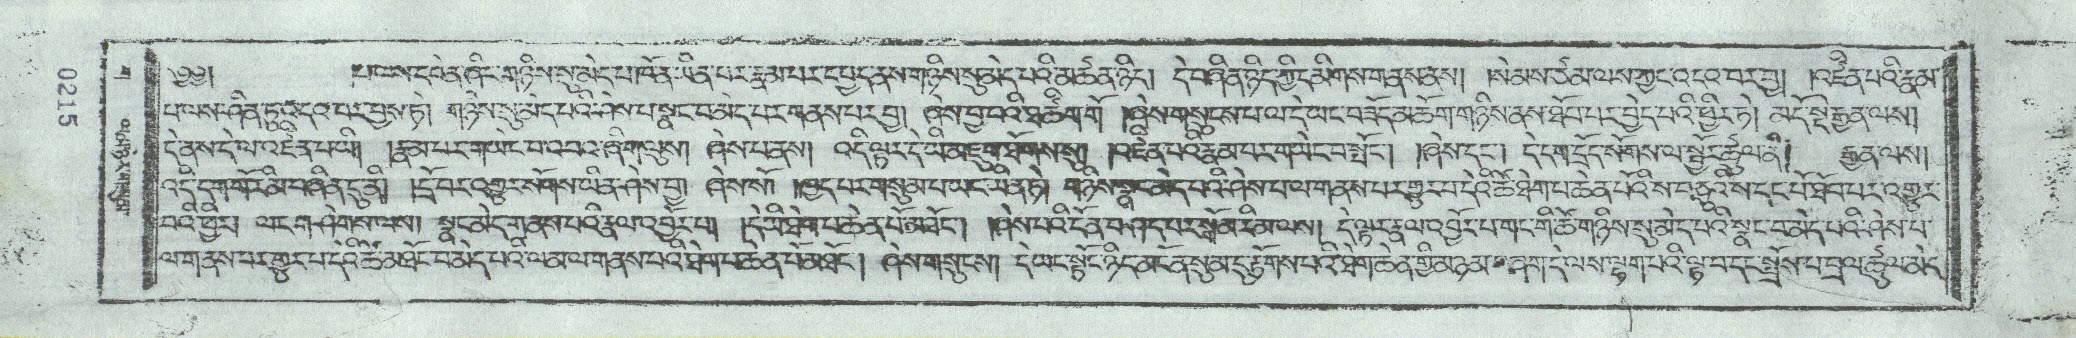༄༅། །པ་ལས་དབེན་ཞིང་གཉིས་སུ་མེད་པ་ཁོ་ན་ཡིན་པར་རྣམ་པར་དཔྱད་ནས་གཉིས་སུ་མེད་པའི་མཚན་ཉིད། དེ་བཞིན་ཉིད་ཀྱི་དམིགས་གནས་ནས། །སེམས་ཙམ་ལས་ཀྱང་འདའ་བར་བྱ། །འཛིན་པའི་རྣམ་
པ་ལས་ཤིན་ཏུ་འདའ་བར་བྱས་ཏེ། གཉིས་སུ་མེད་པའི་ཤེས་པ་སྣང་བ་མེད་པར་གནས་པར་བྱ། ཞེས་བྱ་བའི་ཐ་ཚིག་གོ །ཞེས་གསུངས་པ་ལ་དེ་ཡང་བཟོད་མཆོག་གཉིས་ནས་ཐོབ་པར་བྱེད་པའི་ཕྱིར་ཏེ། མདོ་སྡེ་རྒྱན་ལས།
དེ་ནས་དེ་ལ་འཛིན་པ་ཡི། །རྣམ་པར་གཡེང་བ་འབའ་ཞིག་ལུས། ཞེས་པ་ནས། འདི་ལྟར་དེ་ཡི་མཇུག་ཐོགས་སུ། །འཛིན་པའི་རྣམ་པར་གཡེང་བ་སྤོང་། །ཞེས་དང་། དེ་དག་དྲོད་སོགས་ལ་སྦྱོར་ཚུལ་ནི། རྒྱན་ལས།
འདི་དག་གོ་རིམ་བཞིན་དུ་ནི། །དྲོ་བར་འགྱུར་སོགས་ཡིན་ཤེས་བྱ། ཞེས་སོ། །ཁྱད་པར་གསུམ་པ་ཡང་ཡིན་ཏེ། གཉིས་སྣང་མེད་པའི་ཤེས་པ་ལ་གནས་པར་གྱུར་པ་དེའི་ཚེ་ཐེག་པ་ཆེན་པོའི་ས་བཅུའི་ས་དང་པོ་ཐོབ་པར་འགྱུར་
བའི་ཕྱིར། ལང་གཤེགས་ལས། སྣང་མེད་གནས་པའི་རྣལ་འབྱོར་པ། །དེ་ཡི་ཐེག་པ་ཆེན་པོ་མཐོང་། །ཞེས་པའི་དོན་བཤད་པར་སྒོམ་རིམ་ལས། དེ་ལྟར་རྣལ་འབྱོར་པ་གང་གི་ཚེ་གཉིས་སུ་མེད་པའི་སྣང་བ་མེད་པའི་ཤེས་པ་
ལ་གནས་པར་གྱུར་པ་དེའི་ཚེ་མཐོང་བ་མེད་པའི་ལམ་ལ་གནས་པའི་ཐེག་པ་ཆེན་པོ་མཐོང་། ཞེས་གསུངས། དེ་ཡང་སྟོང་ཉིད་མངོན་སུམ་དུ་རྟོགས་པའི་ཐེག་ཆེན་གྱི་མཉམ་བཞག་དེ་ལས་ལྷག་པའི་ལྟ་བ་དང་སྤྲོས་པ་བྲལ་ཚུལ་མེད་